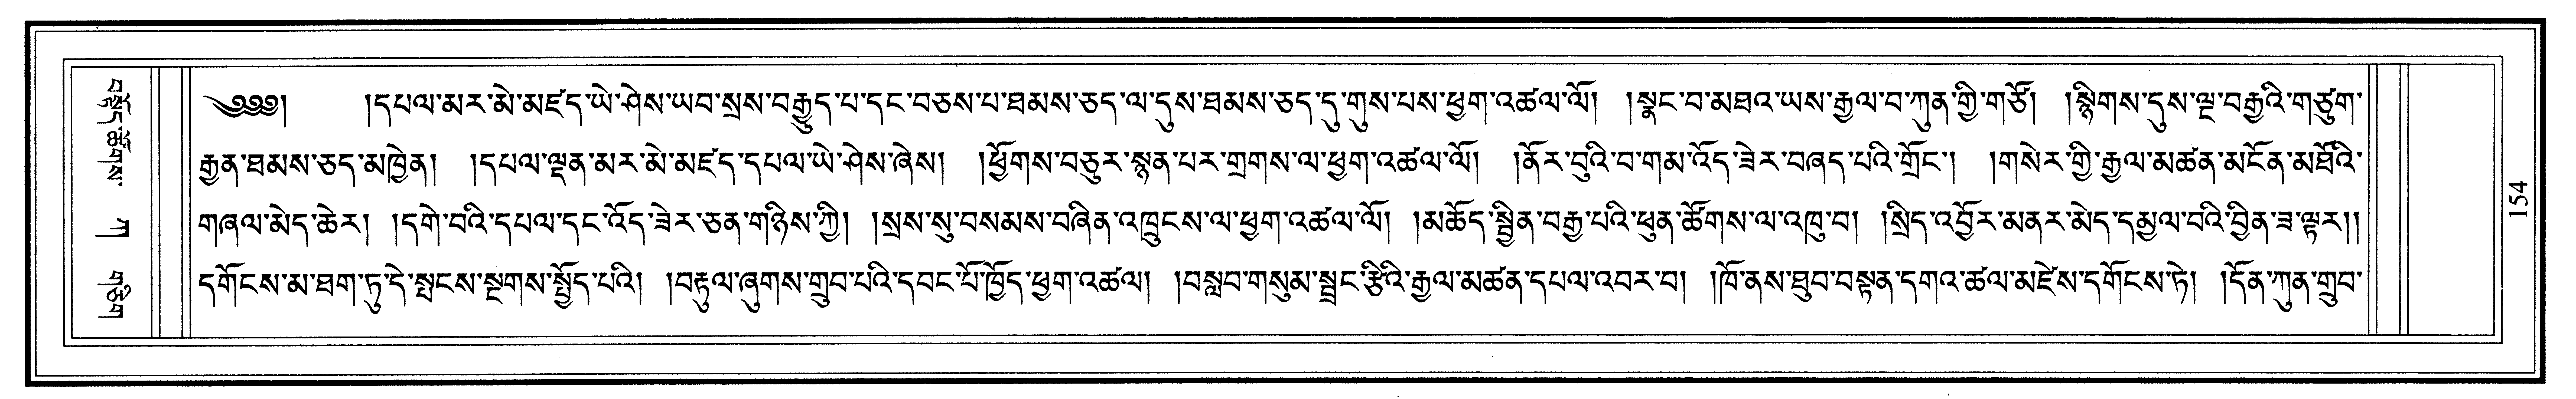༄༅༅། །དཔལ་མར་མེ་མཛད་ཡེ་ཤེས་ཡབ་སྲས་བརྒྱུད་པ་དང་བཅས་པ་ཐམས་ཅད་ལ་དུས་ཐམས་ཅད་དུ་གུས་པས་ཕྱག་འཚལ་ལོ། །སྣང་བ་མཐའ་ཡས་རྒྱལ་བ་ཀུན་གྱི་གཙོ། །སྙིགས་དུས་ལྔ་བརྒྱའི་གཙུག་
རྒྱན་ཐམས་ཅད་མཁྱེན། །དཔལ་ལྡན་མར་མེ་མཛད་དཔལ་ཡེ་ཤེས་ཞེས། །ཕྱོགས་བཅུར་སྙན་པར་གྲགས་ལ་ཕྱག་འཚལ་ལོ། །ནོར་བུའི་བ་གམ་འོད་ཟེར་བཞད་པའི་གྲོང་། །གསེར་གྱི་རྒྱལ་མཚན་མངོན་མཐོའི་
གཞལ་མེད་ཆེར། །དགེ་བའི་དཔལ་དང་འོད་ཟེར་ཅན་གཉིས་ཀྱི། །སྲས་སུ་བསམས་བཞིན་འཁྲུངས་ལ་ཕྱག་འཚལ་ལོ། །མཆོད་སྦྱིན་བརྒྱ་པའི་ཕུན་ཚོགས་ལ་འཁུ་བ། །སྲིད་འབྱོར་མནར་མེད་དམྱལ་བའི་བྱིན་ཟ་ལྟར།།
དགོངས་མ་ཐག་ཏུ་དེ་སྤངས་སྔགས་སྤྱོད་པའི། །བརྟུལ་ཞུགས་གྲུབ་པའི་དབང་པོ་ཁྱོད་ཕྱག་འཚལ། །བསླབ་གསུམ་སྦྲང་རྩིའི་རྒྱལ་མཚན་དཔལ་འབར་བ། །ཁོ་ནས་ཐུབ་བསྟན་དགའ་ཚལ་མཛེས་དགོངས་ཏེ། །དོན་ཀུན་གྲུབ་